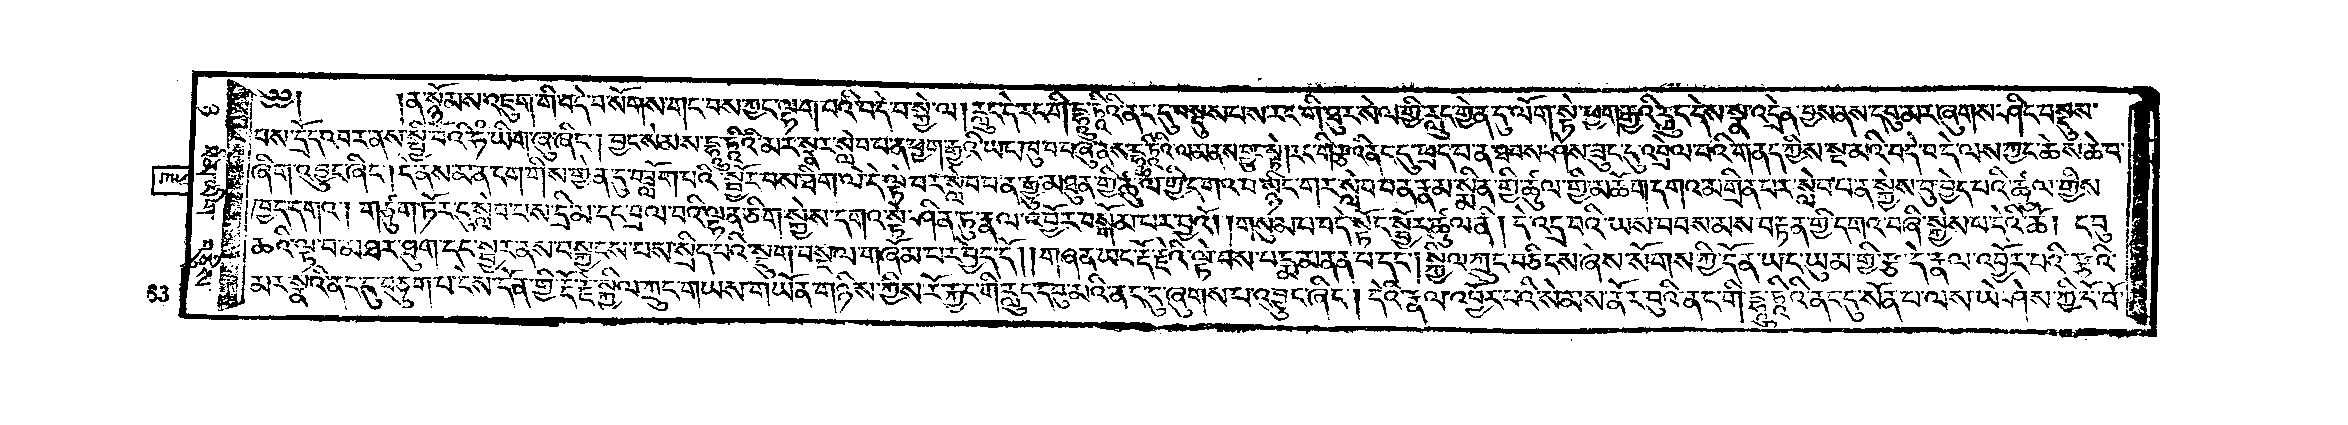༄༅། །ན་སྙོམས་འཇུག་གི་བདེ་བ་སོགས་གང་བས་ཀྱང་ལྷག་པའི་བདེ་བ་སྐྱེ་ལ། རླུང་དེ་རང་གི་དྷཱུ་ཏཱིའི་ནང་དུ་བསྡུས་པས་རང་གི་ཐུར་སེལ་གྱི་རླུང་གྱེན་དུ་ལོག་སྟེ་ཕྱག་རྒྱའི་རླུང་དེས་སྣ་འདྲེན་བྱས་ནས་དབུ་མར་ཞུགས་ཤིང་བསྡུས་
པས་དྲོད་འབར་ནས་སྤྱི་བོའི་ཧཾ་ཡིག་ཞུ་ཞིང་། བྱང་སེམས་དྷཱུ་ཏཱིའི་མར་སྣར་སླེབ་པ་ན་ཕྱག་རྒྱའི་ཡང་ཁུ་བ་བཞུ་ནས་དྷཱུ་ཏཱིའི་ལམ་ནས་བྱུང་སྟེ། རང་གི་རྩའི་ནང་དུ་ཕྲད་པ་ན་ཐབས་ཤེས་ཟུང་དུ་འབྲེལ་བའི་གནད་ཀྱིས་སྔ་མའི་བདེ་བ་དེ་ལས་ཀྱང་ཆེས་ཆེ་བ་
ཞིག་འབྱུང་ཞིང་། དེ་ནས་མན་ངག་གིས་གྱེན་དུ་བཟློག་པའི་སྦྱོར་བས་ཐིག་ལེ་དེ་ལྟེ་བར་སླེབ་པ་ན་རྒྱུ་མཐུན་གྱི་ཚུལ་གྱི་དགའ་བ་སྙིང་གར་སླེབ་པ་ན་རྣམ་སྨིན་གྱི་ཚུལ་གྱི་མཆོག་དགའ་མགྲིན་པར་སླེབ་པ་ན་སྐྱེས་བུ་བྱེད་པའི་ཚུལ་གྱིས་
ཁྱད་དགའ། གཙུག་ཏོར་དུ་སླེབ་པས་དྲི་མ་དང་བྲལ་བའི་ལྷན་ཅིག་སྐྱེས་དགའ་སྟེ་ཤིན་ཏུ་རྣལ་འབྱོར་བསྒོམ་པར་བྱའོ། །གསུམ་པ་བདེ་སྟོང་སྦྱོར་ཚུལ་ནི། དེ་འདྲ་བའི་ཡས་བབས་མས་བརྟན་གྱི་དགའ་བཞི་སྐྱེས་པ་དེའི་ཚེ། དབུ་
མའི་ལྟ་བ་མཐར་ཐུག་དང་སྦྱར་ནས་བསྐྱངས་པས་སྲིད་པའི་སྡུག་བསྔལ་གཞོམ་པར་བྱེད་དོ། །གཞན་ཡང་རྡོ་རྗེའི་ལྟེ་བས་པདམ་མནན་པ་དང་། སྐྱིལ་ཀྲུང་བཅིངས་ཞེས་སོགས་ཀྱི་དོན་ཡང་ཡུམ་གྱི་རྩ་དེ་རྣལ་འབྱོར་པའི་རྩའི་
མར་སྣའི་ནང་དུ་བཅུག་པ་ངེས་དོན་གྱི་རྡོ་རྗེ་སྐྱིལ་ཀྲུང་གཡས་གཡོན་གཉིས་ཀྱིས་རོ་རྐྱང་གི་རླུང་དབུ་མའི་ནང་དུ་ཞུགས་པ་འབྱུང་ཞིང་། དེའི་རྣལ་འབྱོར་པའི་སེམས་ནོར་བུའི་ནང་གི་དྷཱུ་ཏཱིའི་ནང་དུ་སོན་པ་ལས་ཡེ་ཤེས་ཀྱི་ངོ་བོ་